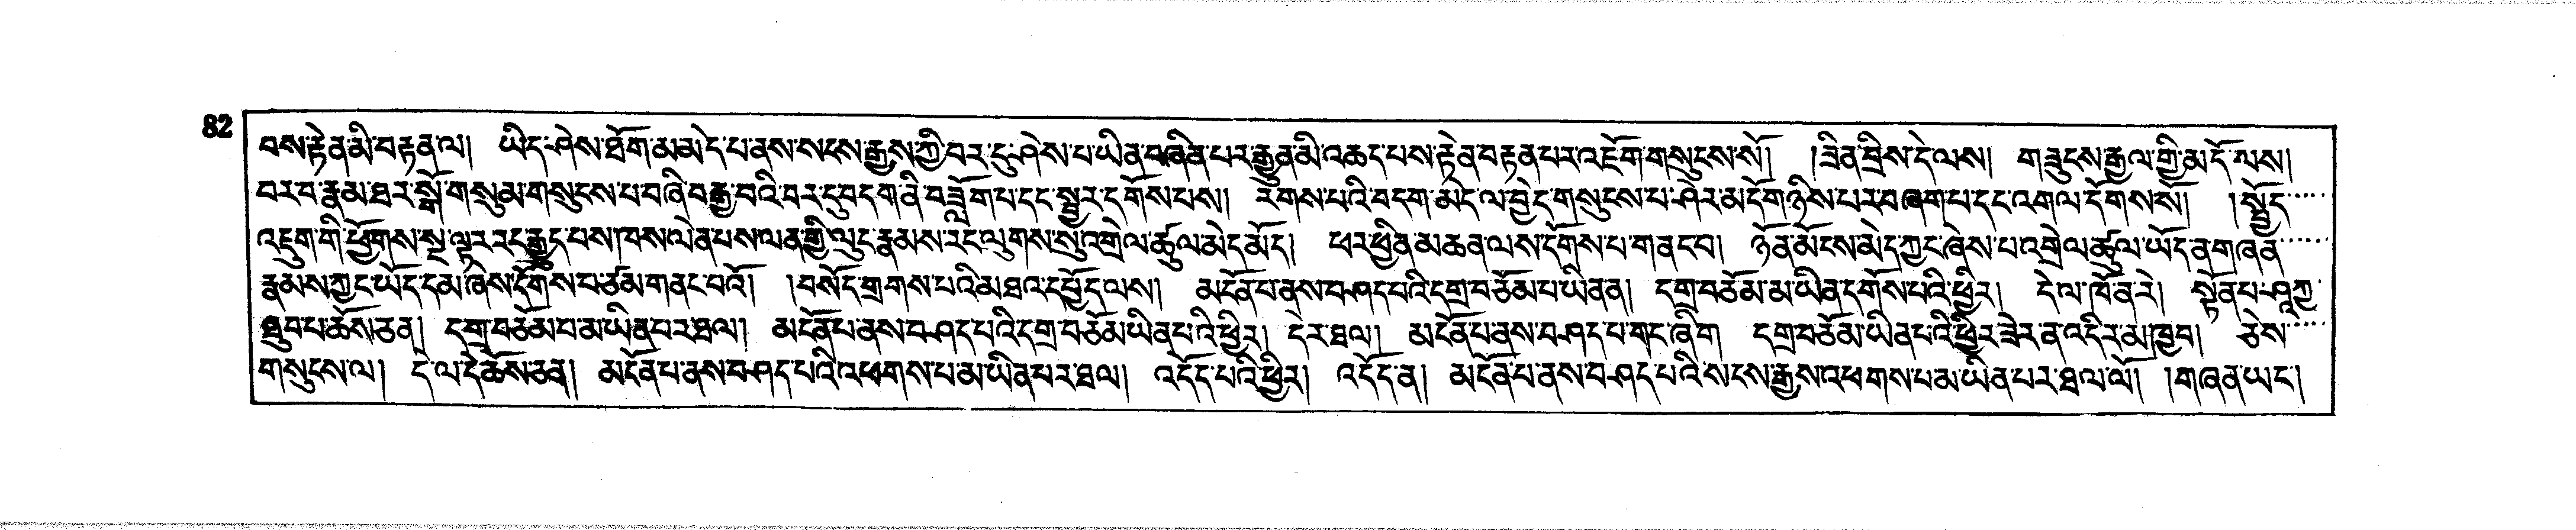བས་རྟེན་མི་བརྟན་ལ། ཡིད་ཤེས་ཐོག་མ་མེད་པ་ནས་སངས་རྒྱས་ཀྱི་བར་དུ་ཤེས་པ་ཡིན་བཞིན་པར་རྒྱུན་མི་འཆད་པས་རྟེན་བརྟན་པར་འཇོག་གསུངས་སོ། །ཟིན་བྲིས་དེ་ལས། གཟུངས་རྒྱལ་གྱི་མདོ་ལས།
བར་བ་རྣམ་ཐར་སྒོ་གསུམ་གསུངས་པ་བཞི་བརྒྱ་བའི་བར་དུ་བདག་ནི་བཟློག་པ་དང་སྦྱར་དགོས་པས། རགས་པའི་བདག་མེད་ལ་བྱེད་གསུངས་པ་ཤེར་མདོག་ཉིས་པར་བཞག་པ་དང་འགལ་དོགས་སོ། །སྤྱོད་
འཇུག་གི་ཕྱོགས་སྔ་ལྟར་རང་རྒྱུད་པས་ཁས་ལེན་པས་ལན་གྱི་ལུང་རྣམས་རང་ལུགས་སུ་འགྲེལ་ཚུལ་མེད་མོད། ཕར་ཕྱིན་མཆན་ལས་དོགས་པ་གནང་བ། ཉོན་མོངས་མེད་ཀྱང་ཞེས་པ་འགྲེལ་ཚུལ་ཡོད་ན་གཞན་
རྣམས་ཀྱང་ཡོད་དམ་ཞེས་དོགས་པ་ཙམ་གནང་བའོ། །བསོད་གྲགས་པའི་མཐའ་དཔྱོད་ལས། མངོན་པ་ནས་བཤད་པའི་དགྲ་བཅོམ་པ་ཡིན་ན། དགྲ་བཅོམ་མ་ཡིན་དགོས་པའི་ཕྱིར། དེ་ལ་ཁོ་ན་རེ། སྟོན་པ་ཤཱཀྱ་
ཐུབ་པ་ཆོས་ཅན། དགྲ་བཅོམ་པ་མ་ཡིན་པར་ཐལ། མངོན་པ་ནས་བཤད་པའི་དགྲ་བཅོམ་ཡིན་པའི་ཕྱིར། དེར་ཐལ། མངོན་པ་ནས་བཤད་པ་གང་ཞིག་དགྲ་བཅོམ་ཡིན་པའི་ཕྱིར་ཟེར་ན་འདིར་མ་ཁྱབ། ཅེས་
གསུངས་ལ། དེ་ལ་དེ་ཆོས་ཅན། མངོན་པ་ནས་བཤད་པའི་འཕགས་པ་མ་ཡིན་པར་ཐལ། འདོད་པའི་ཕྱིར། འདོད་ན། མངོན་པ་ནས་བཤད་པའི་སངས་རྒྱས་འཕགས་པ་མ་ཡིན་པར་ཐལ་ལོ། །གཞན་ཡང་།